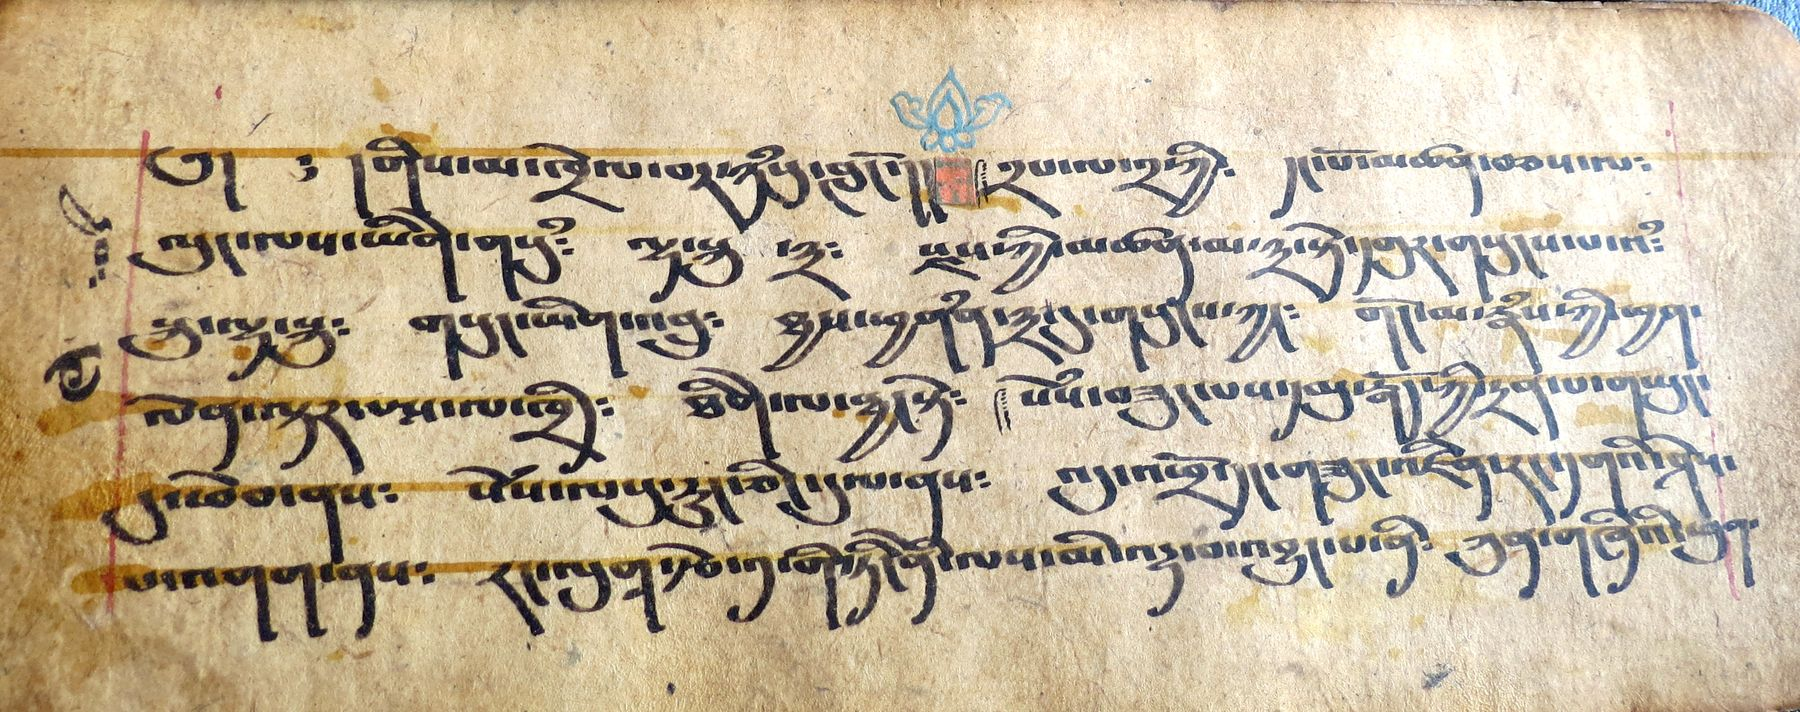གིས་མ་ཁྲེལ་བར་ཉམས་སུ་བླང་ངོ་། ། གཉིས་པ་ལ་གཉིས་ཏེ། དང་པོ་མཚན་བཅས་ལ། 
ལུང་ལས། ཡི་གེའི་གསུམ། ལྷ་སྐུའི་གསུམ། རྫས་ཀྱི་མཚན་མ་གསུམ་སྟེ་དགུར་གསུངས་པའམ། 
སྐུ་ལྷ་སྐུ། གསུང་ཡིག་འབྲུ། ཐུགས་ཕྱག་མཚན་གསུམ་དུ་གསུངས་ཀྱང་། གོང་མ་རྣམས་ཀྱི་ཕྱག་
ལེན་ལྟར་ཨ་ལ་ཁྲིད། ཐིག་ལེ་ལ་སྦྱངས་ཏེ་སེམས་བཟུང་བས། དམུ་རྒོད་ཀྱི་དྲན་པ་གཡུང་
དུ་ཕེབས་སྟེ་སེམས་ལས་སུ་རུང་ཞིང་། དུལ་ནས་འདུ་འཕྲོ་དང་། གཟུང་འཛིན་རང་དགའི་ཤེས་
པ་འགགས་ནས། རང་ལུགས་རྩེ་གཅིག་གི་ཏིང་ངེ་འཛིན་ལས་མི་འདའ་བ་འབྱུང་བ་ནི། ཀུན་གཞིའི་ཕུག་